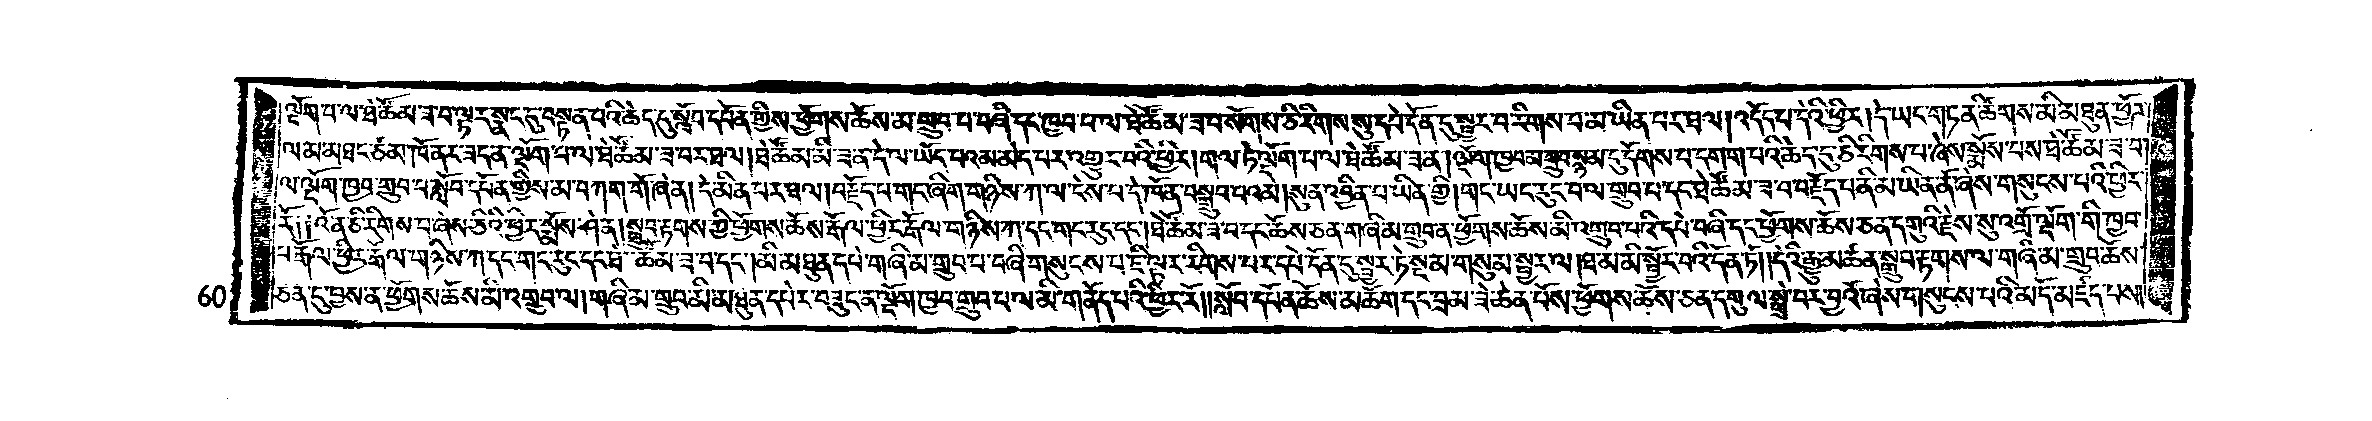ལྡོག་པ་ལ་ཐེ་ཚོམ་ཟ་བ་ལྟར་སྣང་དུ་བསྟན་པའི་ཆེད་དུ་སློབ་དཔོན་གྱིས་ཕྱོགས་ཆོས་མ་གྲུབ་པ་བཞི་དང་ཁྱབ་པ་ལ་ཐེ་ཚོམ་ཟ་བ་སོགས་ཅི་རིགས་སུ་དཔེ་དོན་དུ་སྦྱར་བ་རིགས་པ་མ་ཡིན་པར་ཐལ། འདོད་པ་དེའི་ཕྱིར། དེ་ཡང་གཏན་ཚིགས་མི་མཐུན་ཕྱོགས་
ལ་མ་མཐོང་ཙམ་ཁོ་ནར་ཟད་ན་ལྡོག་པ་ལ་ཐེ་ཚོམ་ཟ་བར་ཐལ། ཐེ་ཚོམ་མི་ཟ་ན་དེ་ལ་ཡོད་པའམ་མེད་པར་འགྱུར་བའི་ཕྱིར། གལ་ཏེ་ལྡོག་པ་ལ་ཐེ་ཚོམ་ཟ་ན། ལྡོག་ཁྱབ་མ་གྲུབ་སྙམ་དུ་དོགས་པ་དགག་པའི་ཆེད་དུ་ཅི་རིགས་པ་ཞེས་སྨོས་པས་ཐེ་ཚོམ་ཟ་བ་
ལ་ལྡོག་ཁྱབ་གྲུབ་པ་སློབ་དཔོན་གྱིས་མ་བཀག་གོ་ཞེ་ན། དེ་མིན་པར་ཐལ། བརྗོད་པ་གང་ཞིག་གཉིས་ཀ་ལ་ངེས་པ་དེ་ཁོ་ན་བསྒྲུབ་པའམ། སུན་འབྱིན་པ་ཡིན་གྱི། གང་ཡང་རུང་བ་ལ་གྲུབ་པ་དང་ཐེ་ཚོམ་ཟ་བ་བརྗོད་པ་ནི་མ་ཡིན་ནོ་ཞེས་གསུངས་པའི་ཕྱིར་
རོ༑ ༑འོ་ན་ཅི་རིགས་པ་ཞེས་ཅིའི་ཕྱིར་སྨོས་ཤེ་ན། སྒྲུབ་རྟགས་ཀྱི་ཕྱོགས་ཆོས་རྒོལ་ཕྱིར་རྒོལ་གཉིས་ཀ་དང་གང་རུང་དང་། ཐེ་ཚོམ་ཟ་བ་དང་ཆོས་ཅན་གཞི་མ་གྲུབ་ན་ཕྱོགས་ཆོས་མི་འགྲུབ་པའི་དཔེ་བཞི་དང་ཕྱོགས་ཆོས་ཅན་དགུའི་རྗེས་སུ་འགྲོ་ལྡོག་གི་ཁྱབ་
པ་རྒོལ་ཕྱིར་རྒོལ་གཉིས་ཀ་དང་གང་རུང་དང་ཐེ་ཚོམ་ཟ་བ་དང་། མི་མཐུན་དཔེ་གཞི་མ་གྲུབ་པ་བཞི་གསུངས་པ་ཇི་ལྟར་རིགས་པར་དཔེ་དོན་དུ་སྦྱར་ཏེ་སྔ་མ་གསུམ་སྦྱར་ལ། ཐ་མ་མི་སྦྱོར་བའི་དོན་ཏོ། །དེའི་རྒྱུ་མཚན་སྒྲུབ་རྟགས་ལ་གཞི་མ་གྲུབ་ཆོས་
ཅན་དུ་བྱས་ན་ཕྱོགས་ཆོས་མི་འགྲུབ་ལ། གཞི་མ་གྲུབ་མི་མཐུན་དཔེར་བཟུང་ན་ལྡོག་ཁྱབ་གྲུབ་པ་ལ་མི་གནོད་པའི་ཕྱིར་རོ། །སློབ་དཔོན་ཆོས་མཆོག་དང་བྲམ་ཟེ་ཆེན་པོས་ཕྱོགས་ཆོས་ཅན་དགུ་ལ་སྒྲེ་བར་བྱའོ་ཞེས་གསུངས་པའི་མདོ་མཛད་པས།